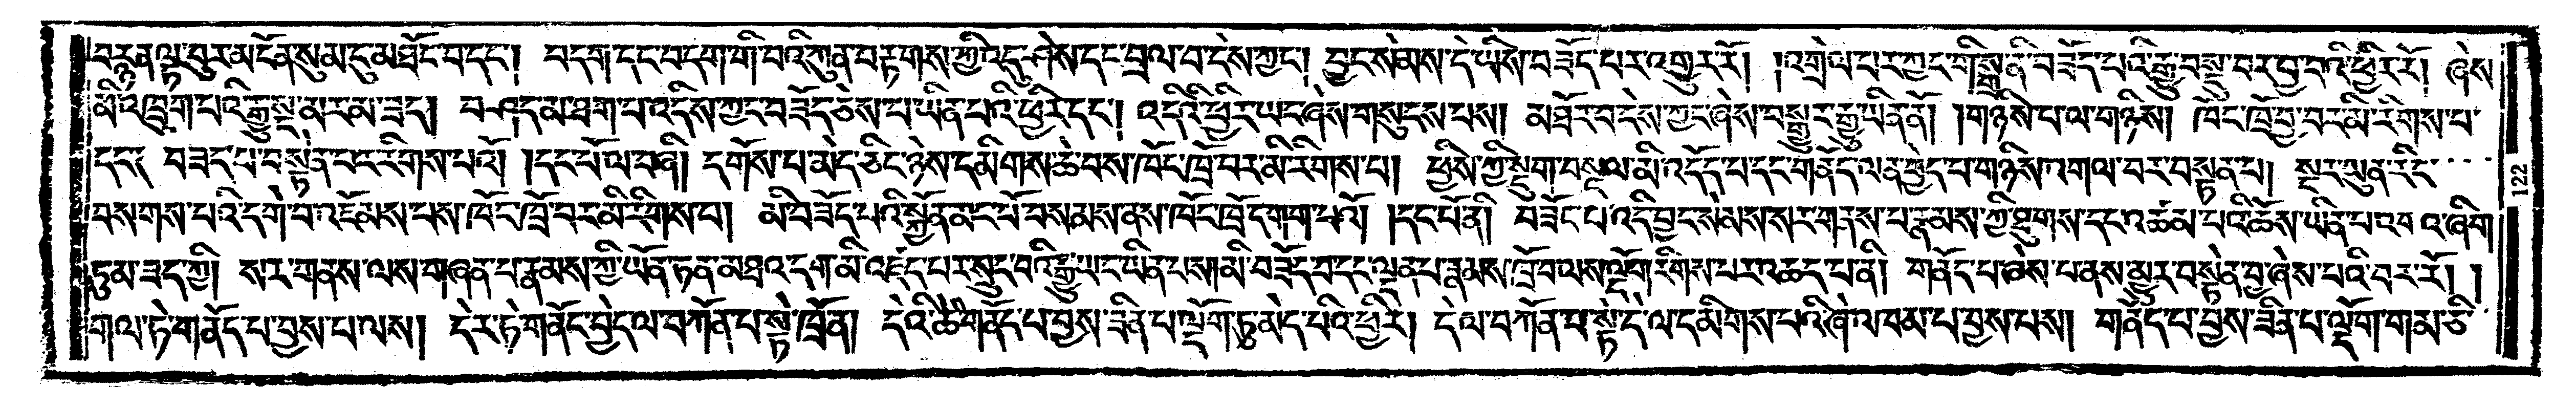བརྙན་ལྟ་བུར་མངོན་སུམ་དུ་མཐོང་བ་དང་། བདག་དང་བདག་གི་བའི་ཀུན་བརྟགས་ཀྱི་འདུ་ཤེས་དང་བྲལ་བ་དེས་ཀྱང་། བྱང་སེམས་དེ་ཡིས་བཟོད་པར་འགྱུར་རོ། །འགྲེལ་པར་ཀྱང་གི་སྒྲ་ནི་བཟོད་པའི་རྒྱུ་བསྡུ་བར་བྱ་བའི་ཕྱིར་རོ། །ཞེས་
མི་འཁྲུག་པའི་རྒྱུ་སྔ་མར་མ་ཟད། བཤད་མ་ཐག་པ་འདིས་ཀྱང་བཟོད་ཅེས་པ་ཡིན་པའི་ཕྱིར་དང་། འདིའི་ཕྱིར་ཡང་ཞེས་གསུངས་པས། མཐོང་བ་དེས་ཀྱང་ཞེས་བསྒྱུར་རྒྱུ་ཡིན་ནོ། །གཉིས་པ་ལ་གཉིས། ཁོང་ཁྲོ་བྱ་བར་མི་རིགས་པ་
དང༑ བཟོད་པ་བསྟེན་པར་རིགས་པའོ། །དང་པོ་ལ་བཞི། དགོས་པ་མེད་ཅིང་ཉེས་དམིགས་ཆེ་བས་ཁོང་ཁྲོ་བར་མི་རིགས་པ། ཕྱིས་ཀྱི་སྡུག་བསྔལ་མི་འདོད་བ་དང་གནོད་ལན་བྱེད་པ་གཉིས་འགལ་བར་བསྟན་པ། སྔར་ཡུན་རིང་
བསགས་པའི་དགེ་བ་འཇོམས་པས་ཁོང་ཁྲོ་བར་མི་རིགས་པ། མི་བཟོད་པའི་སྐྱོན་མང་པོ་བསམས་ནས་ཁོང་ཁྲོ་དགག་པའོ། །དང་པོ་ནི། བཟོད་པ་འདི་བྱང་སེམས་སར་གནས་པ་རྣམས་ཀྱི་ཐུགས་དང་འཚམས་པའི་ཆོས་ཡིན་པ་འབའ་ཞིག་
ཏུ་མ་ཟད་ཀྱི། སར་གནས་ལས་གཞན་པ་རྣམས་ཀྱི་ཡོན་ཏན་མཐའ་དག་མི་འཛད་པར་སྲུང་བའི་རྒྱུ་ཡང་ཡིན་པས། མི་བཟོད་པ་དང་ལྡན་པ་རྣམས་ཁྲོ་བ་ལས་ལྡོག་རིགས་པར་འཆད་པ་ནི། གནོད་པ་ཞེས་པ་ནས་མྱུར་བསྟན་བྱ་ཞེས་པའི་བར་རོ།།
གལ་ཏེ་གནོད་པ་བྱས་པ་ལས། དེར་ཏེ་གནོད་བྱེད་ལ་བཀོན་པ་སྟེ་ཁྲོ་ན། དེའི་ཚེ་གནོད་པ་བྱས་ཟིན་པ་ལྡོག་ཏུ་མེད་པའི་ཕྱིར། དེ་ལ་བཀོན་པ་སྟེ་དེ་ལ་དམིགས་པའི་ཞེ་འཁམ་པ་བྱས་པས། གནོད་པ་བྱས་ཟིན་པ་ལྡོག་གམ་ཅི་